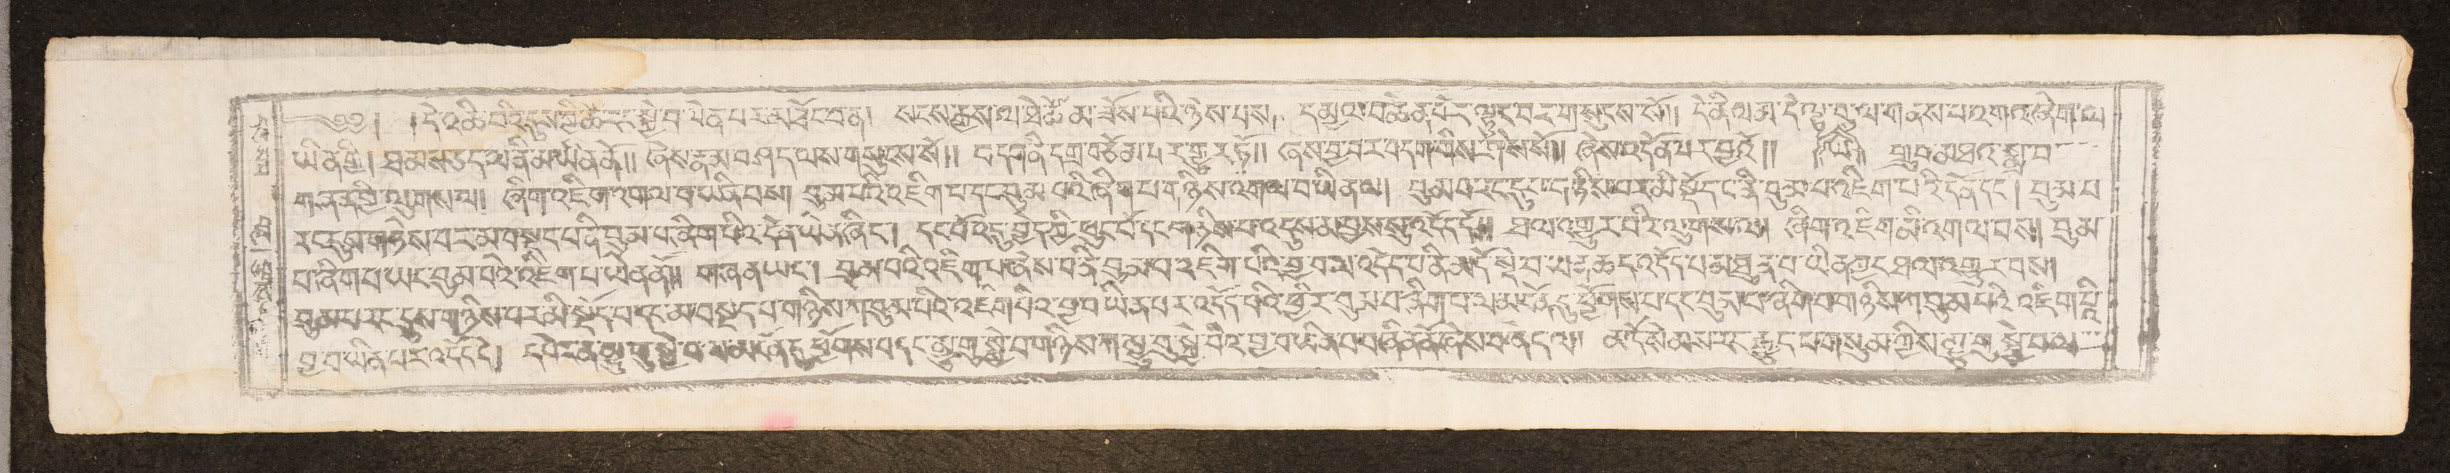༄༅། །དེ་འཆི་བའི་དུས་ཀྱི་ཚེ་རང་སྐྱེ་བ་ལེན་པར་མཐོང་བ་ན། སངས་རྒྱས་ལ་ཐེ་ཚོམ་ཟོས་པའི་ཉེས་པས། དམྱལ་བ་ཆེན་པོར་ལྷུང་བར་གསུངས་སོ།། དེ་ནི་ལམ་དེ་ལྟ་བུ་ལ་གནས་པ་འགའ་ཞིག་ལ་
ཡིན་གྱི། ཐམས་ཅད་ལ་ནི་མ་ཡིན་ནོ། །ཞེས་རྣམ་བཤད་ལས་གསུངས་སོ། །བདག་ནི་དགྲ་བཅོམ་པར་གྱུར་ཏོ། །ཞེས་བྱ་བར་བདག་གིས་ཤེས་སོ། །ཞེས་འདོན་པར་བྱའོ།། ༼༽ཡ༼༽ གྲུབ་མཐའ་སྨྲ་བ་
གཞན་གྱི་ལུགས་ལ། ཞིག་འཇིག་འགལ་བ་ཡིན་པས། བུམ་པའི་འཇིག་པ་དང་བུམ་པའི་ཞིག་པ་གཉིས་འགལ་བ་ཡིན་ལ། བུམ་པ་རང་དུས་གཉིས་པར་མི་སྡོད་པ་ནི་བུམ་པ་འཇིག་པའི་དོན་དང་། བུམ་པ་
རང་དུས་གཉིས་པར་མ་བསྡད་པ་ནི་བུམ་པ་ཞིག་པའི་དོན་ཡིན་ཞིང་། དང་པོ་འདུ་བྱེད་ཀྱི་ཕུང་པོ་དང་གཉིས་པ་འདུས་མ་བྱས་སུ་འདོད་དོ། །ཐལ་འགྱུར་བའི་ལུགས་ལ། ཞིག་འཇིག་མི་འགལ་བས། བུམ་
པ་ཞིག་པ་ཡང་བུམ་པའི་འཇིག་པ་ཡིན་ནོ། །གཞན་ཡང་། བུམ་པའི་འཇིག་པ་ཞེས་པ་ནི་བུམ་པ་འཇིག་པའི་བྱ་བ་ལ་འདོད་པ་ནི་མདོ་སྡེ་བ་ཡན་ཆད་འདོད་པ་མཐུན་པ་ཡིན་ཀྱང་ཐལ་འགྱུར་བས།
བུམ་པ་རང་དུས་གཉིས་པར་མི་སྡོད་པ་དང་མ་བསྡད་པ་གཉིས་ཀ་བུམ་པའི་འཇིག་པའི་བྱ་བ་ཡིན་པར་འདོད་པའི་ཕྱིར་བུམ་པ་ཞིག་པ་ལ་མངོན་དུ་ཕྱོགས་པ་དང་བུམ་པ་ཞིག་པ་གཉིས་ཀ་བུམ་པའི་འཇིག་པཱི་
བྱ་བ་ཡིན་པར་འདོད་དེ། དཔེར་ན་མྷུ་གུ་སྐྱེ་བ་ལ་མངོན་དུ་ཕྱོགས་པ་དང་མྱུ་གུ་སྐྱེ་བ་གཉིས་ཀ་མྱུ་གུ་སྐྱེ་བའི་བྱ་བ་ཡིན་པ་བཞིན་ནོ་ཞེས་བཞེད་ལ། མདོ་སེམས་རང་རྒྱུད་པ་གསུམ་གྱིས་མྱུ་གུ་སྐྱེ་བ་ལ་